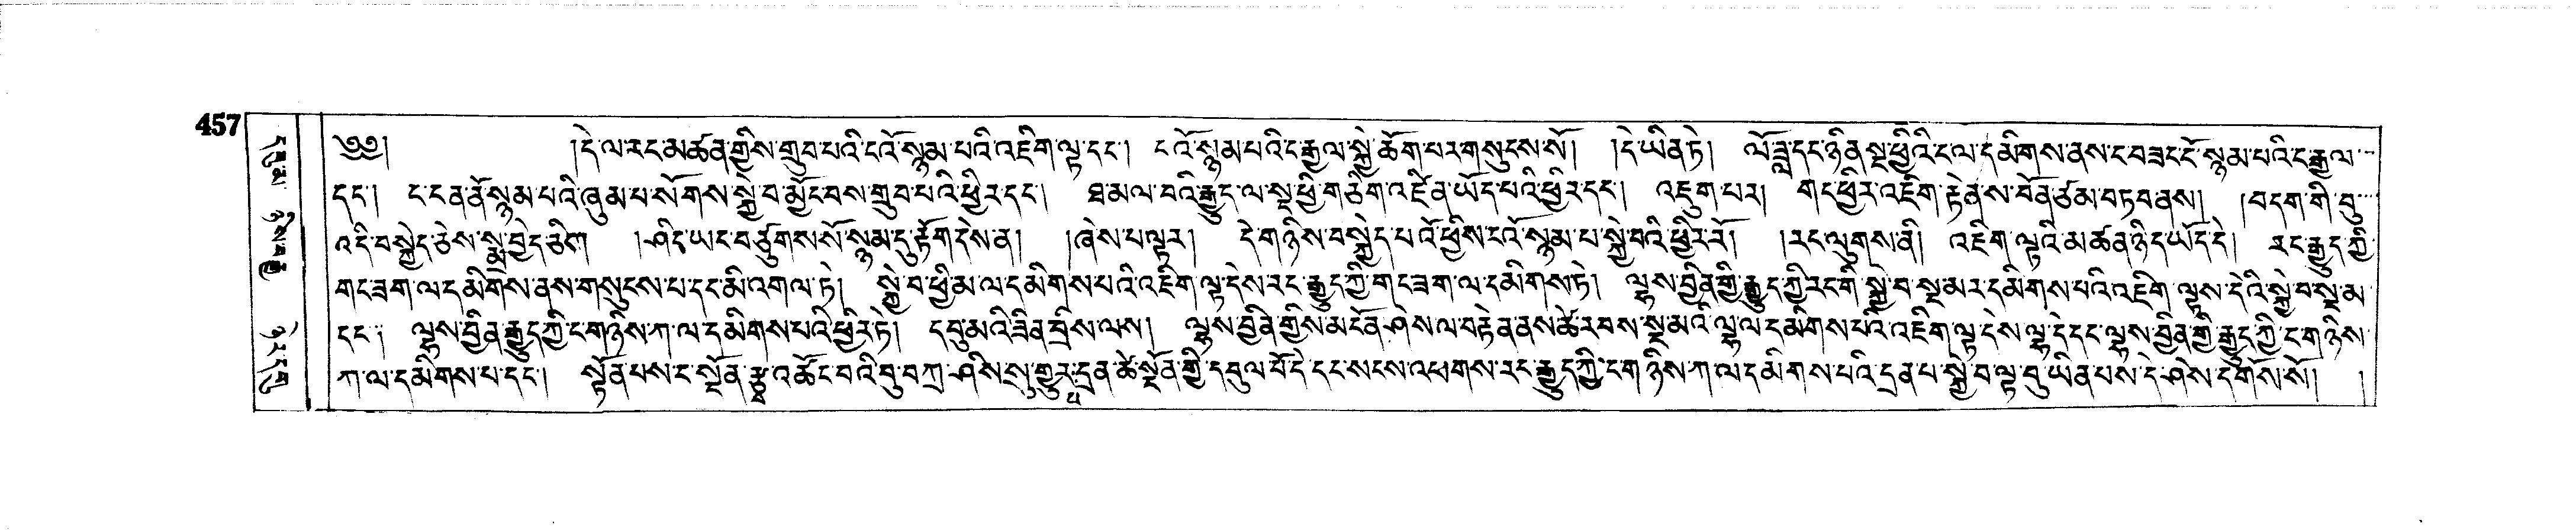༄༅། །དེ་ལ་རང་མཚན་གྱིས་གྲུབ་པའི་ངའོ་སྙམ་པའི་འཇིག་ལྟ་དང་། ངའོ་སྙམ་པའི་ང་རྒྱལ་སྐྱེ་ཆོག་པར་གསུངས་སོ། །དེ་ཡིན་ཏེ། ལོ་ཟླ་དང་ཉིན་སྔ་ཕྱིའི་ང་ལ་དམིགས་ནས་ང་བཟང་ངོ་སྙམ་པའི་ང་རྒྱལ་
དང་། ང་ངན་ནོ་སྙམ་པའི་ཞུམ་པ་སོགས་སྐྱེ་བ་མྱོང་བས་གྲུབ་པའི་ཕྱིར་དང་། ཐ་མལ་བའི་རྒྱུད་ལ་སྔ་ཕྱི་གཅིག་འཛིན་ཡོད་པའི་ཕྱིར་དང་། འཇུག་པར། གང་ཕྱིར་འཇིག་རྟེན་ས་བོན་ཙམ་བཏབ་ནས། །བདག་གི་བུ་
འདི་བསྐྱེད་ཅེས་སྨྲ་བྱེད་ཅིག །ཤིང་ཡང་བཙུགས་སོ་སྙམ་དུ་རྟོག་དེས་ན། །ཞེས་པ་ལྟར། དེ་གཉིས་བསྐྱེད་པའོ་ཕྱིས་ངའོ་སྙམ་པ་སྐྱེ་བའི་ཕྱིར་རོ། །རང་ལུགས་ནི། འཇིག་ལྟའི་མཚན་ཉིད་ཡོད་དེ། རང་རྒྱུད་ཀྱི་
གང་ཟག་ལ་དམིགས་ནས་གསུངས་པ་དང་མི་འགལ་ཏེ། སྐྱེ་བ་ཕྱི་མ་ལ་དམིགས་པའི་འཇིག་ལྟ་དེས་རང་རྒྱུད་ཀྱི་གང་ཟག་ལ་དམིགས་ཏེ། ལྷས་བྱིན་གྱི་རྒྱུད་ཀྱི་རང་གི་སྐྱེ་བ་སྔ་མར་དམིགས་པའི་འཇིག་ལྟས་དེའི་སྐྱེ་བ་སྔ་མ་
དང་། ལྷས་བྱིན་རྒྱུད་ཀྱི་ང་གཉིས་ཀ་ལ་དམིགས་པའི་ཕྱིར་ཏེ། དབུ་མའི་ཟིན་བྲིས་ལས། ལྷས་བྱིན་གྱིས་མངོན་ཤེས་ལ་བརྟེན་ནས་ཚེ་རབས་སྔ་མའི་ལྷ་ལ་དམིགས་པའི་འཇིག་ལྟ་དེས་ལྷ་དེ་དང་ལྷས་བྱིན་གྱི་རྒྱུད་ཀྱི་ང་གཉིས་
ཀ་ལ་དམིགས་པ་དང་། སྟོན་པས་ང་སྔོན་རྩྭ་འཚོང་བའི་བུ་བཀྲ་ཤིས་སུ་གྱུར་པ་དྲན་ཚེ་སྔོན་གྱི་དབུལ་པོ་དེ་དང་སངས་འཕགས་རང་རྒྱུད་ཀྱི་ང་གཉིས་ཀ་ལ་དམིགས་པའི་དྲན་པ་སྐྱེ་བ་ལྟ་བུ་ཡིན་པས་དེ་ཤེས་དགོས་སོ། །